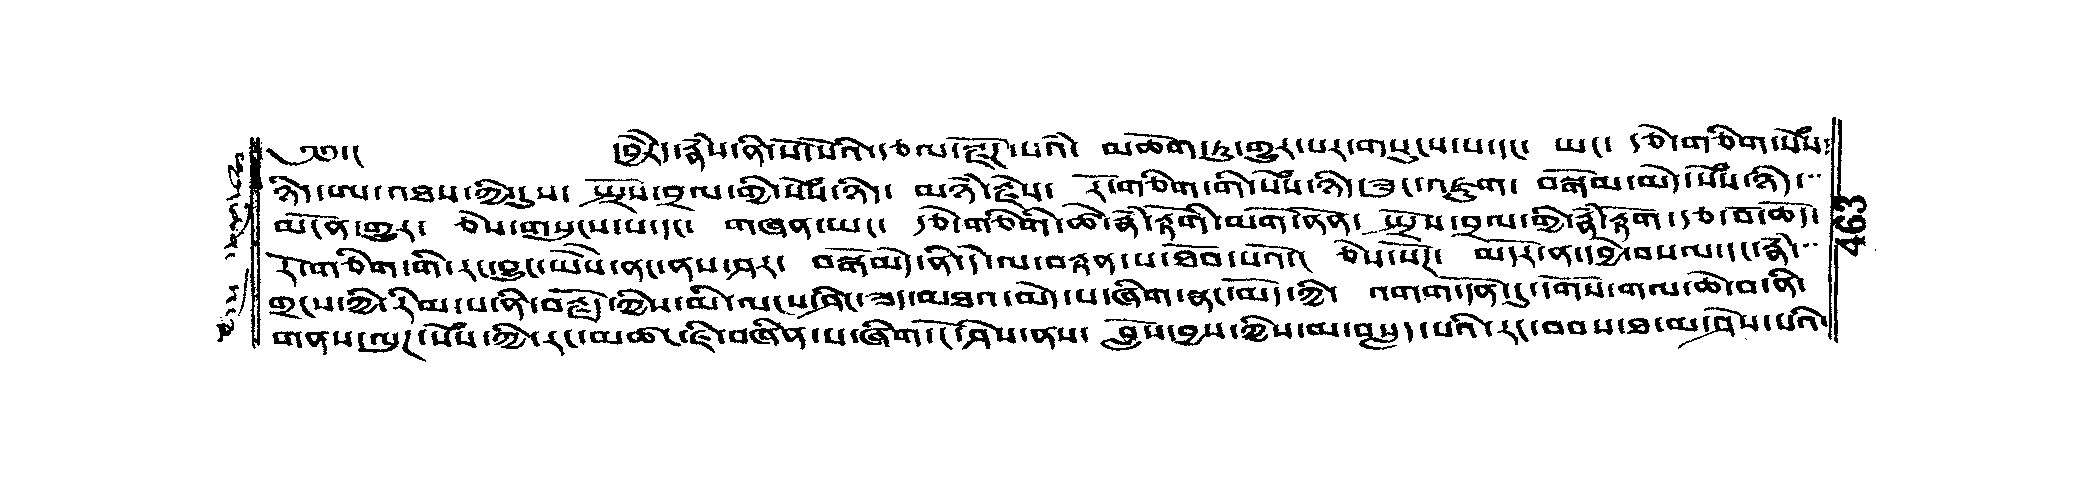དབྱེར་མེད་རྣམས་ནི་སོ་སོའི་རྩལ་རྫོགས་པའམ། མཆོག་ཏུ་གྱུར་པར་གསུངས་པ་དང་། ཡང་རྩེ་གཅིག་སེམས་
ཉིད་ཨ་འཐས་ཀྱི་དུས། སྤྲོས་བྲལ་གྱི་སེམས་ཉིད་མཉམ་རྗེས། རོ་གཅིག་གི་སེམས་ཉིད་ཟུང་འཇུག བསྒོམ་མེད་ཀྱི་སེམས་ཉིད་
མངོན་གྱུར། ཅེས་གསུངས་པ་དང་། གཞན་ཡང་རྩེ་གཅིག་གི་ཚེ་རྣམ་རྟོག་གི་མགོ་ནོན། སྤྲོས་བྲལ་གྱི་རྣམ་རྟོག་རྩ་བ་ཆོད། 
རོ་གཅིག་གི་རང་བྱུང་ཡེ་ཤེས་ནང་ནས་ཤར། བསྒོམ་མེད་ནི་དེ་ལ་བརྟན་པ་ཐོབ་པའོ། ཞེས་སོགས། མདོར་ན་དབྱེ་བསལ་དང་རྣམ་
གྲངས་ཀྱི་རིམ་པ་ནི་བརྗོད་ཀྱིས་མི་ལངས་ཤིང་ཟད་མཐའ་མེད་པ་ཞིག་སྣང་མོད་ཀྱི། འགག་དོན་དུ་དགོས་གལ་ཆེ་བ་ནི་
གནས་ལུགས་སེམས་ཀྱི་རང་མཚང་ཇི་བཞིན་པ་ཞིག་ངོ་ཤེས་ནས། བློས་བྱས་ཀྱིས་མ་བསླད་པའི་རང་བབས་ཐ་མལ་ཤེས་པའི་